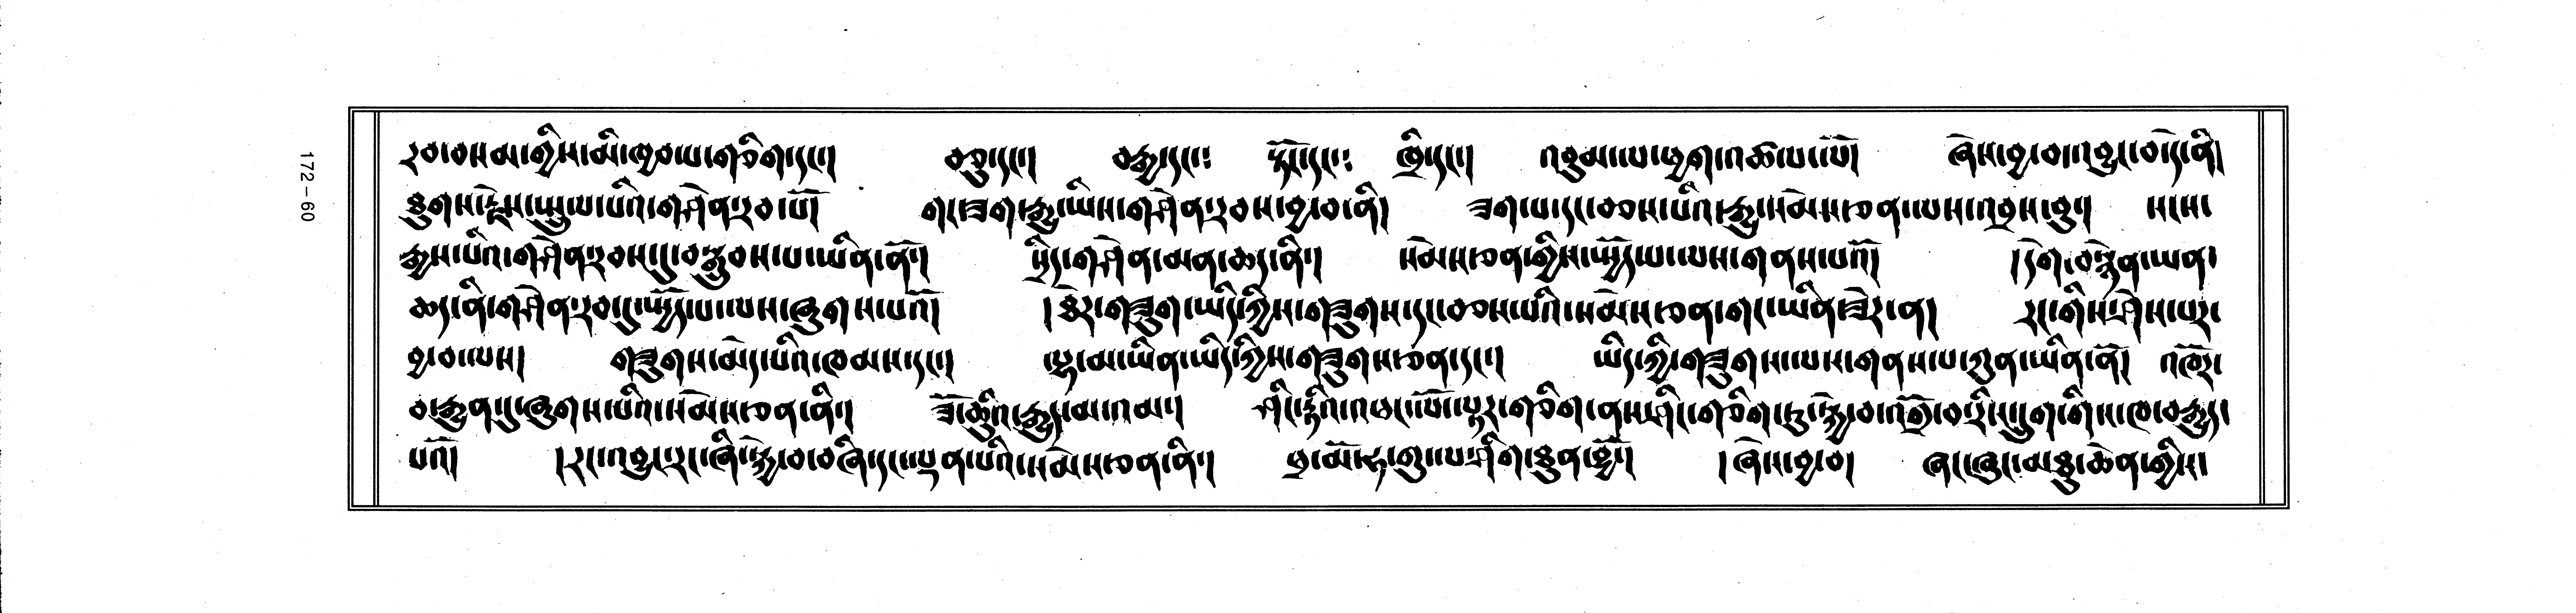རབ་བསམ་གྱིས་མི་ཁྱབ་པ་གཅིག་དང་། བཅུ་དང་། བརྒྱ་དང་། སྟོང་དང་། ཁྲི་དང་། འབུམ་ལ་ཕྱག་འཚལ་ལོ། ཞེས་བྱ་བ་འབྱུང་བ་དེ་ནི། 
ཐུགས་རྗེས་སྤྲུལ་པའི་གཤེན་རབ་པོ། གང་ཟག་རྒྱུ་ཡིས་གཤེན་རབ་བྱ་བ་ནི། ཟག་པ་དང་བཅས་པའི་རྒྱུ་སེམས་ཅན་ལས་འབྲས་བུ། སངས་
རྒྱས་པའི་གཤེན་རབ་དུ་བསྒྲུབས་པ་ཡིན་ནོ། སྲིད་གཤེན་མན་ཆད་ནི། སེམས་ཅན་གྱིས་སྤྱོད་པ་ལས་གནས་པའོ། དགེ་བསྙེན་ཡན་
ཆད་ནི་གཤེན་རབ་དུ་སྤྱོད་པ་ལས་ཞུགས་པའོ། ཐེར་གཟུག་ཡིད་ཀྱིས་གཟུགས་དང་བཅས་པའི་སེམས་ཅན་གང་ཡིན་ཟེར་ན། རང་གི་ཤེས་པར་
བྱ་བ་ལས། གཟུགས་མེད་པའི་ཁམས་དང་། ལྷ་མ་ཡིན་ཡིད་ཀྱིས་གཟུགས་ཅན་དང་། ཡིད་ཀྱི་གཟུགས་ལས་གནས་པ་ཀུན་ཡིན་ནོ། འཁོར་
བ་རྒྱུན་དུ་ཞུགས་པའི་སེམས་ཅན་ནི། ཟོ་ཆུའི་རྒྱུད་མ་འམ། ཤིང་རྟའི་འཕང་ལོ་ལྟར་གཅིག་ནས་ཤིང་གཅིག་ཏུ་སྐྱེ་བ་འགྲོ་བ་རིས་དྲུག་གིས་ཁ་བརྒྱུད་
པའོ། རང་འབྱུང་རང་ཞི་སྐྱེ་བ་བཞི་དང་ལྡན་པའི་སེམས་ཅན་ནི། ཕྲ་མོ་ཧ་གུ་ལ་ཤིག་ཐུན་བྷྱོ། ཞེས་བྱ་བ། ཞང་ཞུང་མཐུ་ཆེན་གྱིས་